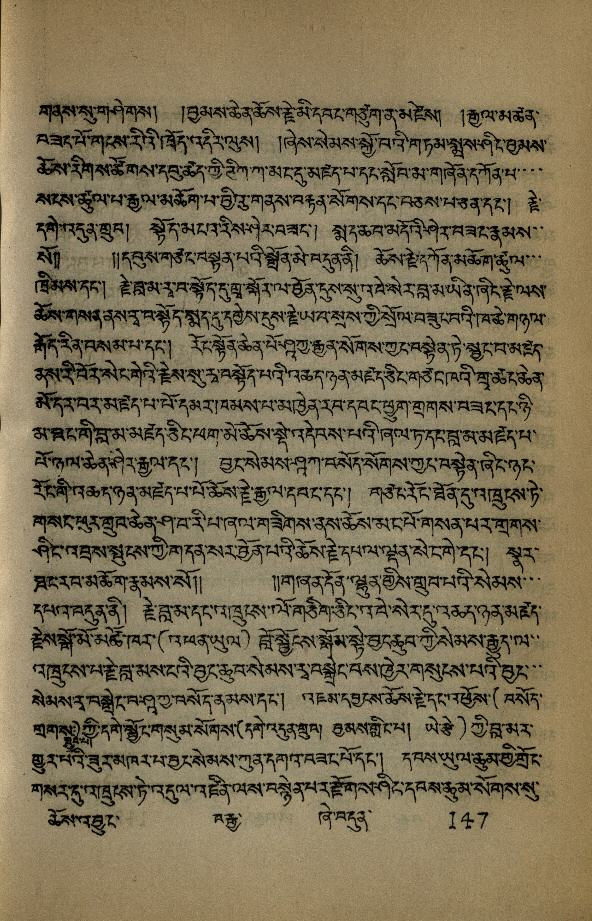གནས་སུ་གཤེགས། །བྱམས་ཆེན་ཆོས་རྗེ་མི་དབང་གཙུག་ན་མཛེས། །རྒྱལ་མཚན་
བཟང་པོ་གངས་རིའི་ཁྲོད་འདིར་ལུས། །ཞེས་སེམས་སྐྱོ་བའི་གཏམ་སྨྲས་ཤིང་བྱམས་
ཆོས་རིགས་ཚོགས་དབུ་ཚད་ཀྱི་ཊིཀ་ཀ་མང་དུ་མཛད་པ་དང་སློབ་མ་གཞོན་དཀོན་པ་
སངས་ཚུལ་པ་རྒྱལ་མཆོག་པ་བྱིའུ་གནས་བརྟན་སོགས་དང་བཅས་པ་ཅན་དང་། རྗེ་
དགེ་འདུན་གྲུབ། སྟོད་མངའ་རིས་ཤེར་བཟང་། སྨད་ཆབ་མདོའི་ཤེར་བཟང་རྣམས་
སོ།། །།དབུས་གཙང་བསྟན་པའི་སྒྲོན་མེ་བདུན་ནི། ཆོས་རྗེ་དཀོན་མཆོག་ཚུལ་
ཁྲིམས་དང་། རྗེ་བླ་མ་རྭ་བ་སྟོད་དུ་གྲྭ་སྐོར་ལ་བྱོན་དུས་སུ་འབེ་སེར་བླ་མ་ཡིན་ཞིང་རྗེ་ལས་
ཆོས་གསན་ནས་རྭ་བསྟོད་སྨད་དུ་དགྱེས་དུས་རྗེ་ཡབ་སྲས་ཀྱི་སྲོལ་བཟུང་བའི་ཁ་ཆེ་གཉལ་
རྒོད་རིན་བསམ་པ་དང་། རོང་སྟོན་ཆེན་པོ་ཤཱཀྱ་རྒྱན་སོགས་ཀྱང་བསྟེན་ཏེ་སྦྱང་བ་མཛད་
ནས་རི་བོར་སེང་གེའི་རྗེས་སུ་རྭ་བསྟོད་པའི་འཆད་ཉན་མཛད་ཅིང་གཙང་ཁའི་གྲྭ་ཚང་ཆེན་
མོ་དར་བར་མཛད་པ་པོ་དམར་ཁམས་པ་མཁྱེན་རབ་དབང་ཕྱུག་གྲགས་བཟང་དང་ཉི་
མ་ཐང་གི་བླ་མ་མཛད་ཅིང་ཕག་མོ་ཆོས་སྡེ་འདེབས་པའི་ཞལ་ཏ་དང་བླ་མ་མཛད་པ་
པོ་ཉལ་ཆེན་ཤེར་རྒྱལ་དང་། བྱང་སེམས་ཤཱཀ་བསོད་སོགས་ཀྱང་བསྟེན་ཞིང་ཉང་
རོང་གི་འཆད་ཉན་མཛད་པ་པོ་ཆོས་རྗེ་རྒྱལ་དབང་དང་། གཙང་རོང་ཐོན་དུ་འཁྲུངས་ཏེ་
གསང་ཕུར་གྲུབ་ཆེན་ཤ་བ་རི་པ་ཞལ་གཟིགས་ནས་ཆོས་མང་པོ་གསན་པར་གྲགས་
ཤིང་འབྲས་སྤུངས་ཀྱི་གདན་སར་བྱོན་པའི་ཆོས་རྗེ་དཔལ་ལྡན་སེང་གེ་དང་། སྣར་
ཐང་རབ་མཆོག་རྣམས་སོ།། །།གཞན་དོན་ལྷུན་གྱིས་གྲུབ་པའི་སེམས་
དཔའ་བདུན་ནི། རྗེ་བླ་མ་དང་འཁྲུངས་ལོ་གཅིག་ཅིང་འབེ་སེར་དུ་འཆད་ཉན་མཛད་
རྗེས་སྒོ་མོ་མཚོ་ཁར་འཕན་ཡུལ་བློ་སྦྱོངས་སྒོམ་སྟེ་བྱང་ཆུབ་ཀྱི་སེམས་རྒྱུད་ལ་
འཁྲུངས་པ་རྗེ་བླ་མས་ངའི་བྱང་ཆུབ་སེམས་རྭ་བསྒྲེང་བས་ཁྱེར་གསུངས་པའི་བྱང་
སེམས་རྭ་བསྒྲེང་བ་ཤཱཀྱ་བསོད་ནམས་དང་། འཇམ་དབྱངས་ཆོས་རྗེ་དང་འཕྱོས་བསོད་
གྲགས་ཐུབ་པཿ། ཀྱི་དགེ་སྦྱོང་གསུམ་སོགས་དགེ་འདུན་གྲུབ། བྱམས་གླིང་པ། ཡེ་རྩེ་ཀྱི་བླ་མར་
གྱུར་པའི་ཟུར་མཁར་པ་བྱང་སེམས་ཀུན་དགའ་བཟང་པོ་དང་། དབས་ཡུལ་ཆུམ་གྱི་གྲོང་
གསར་དུ་འཁྲུངས་ཏེ་འདུལ་འཛིན་ལས་བསྙེན་པར་རྫོགས་ཤིང་དབས་ཆུམ་སོགས་སུ་